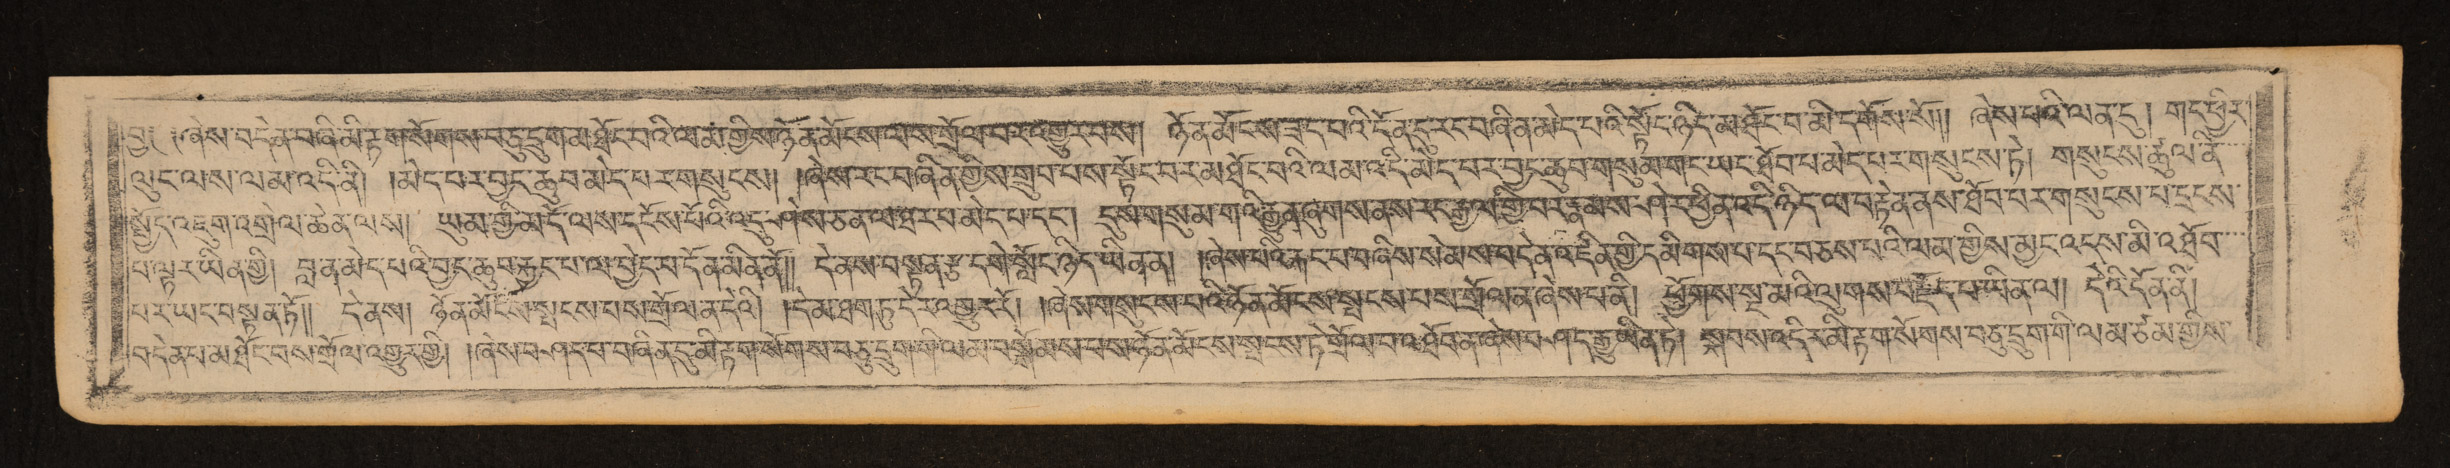བྱ། །ཞེས་བདེན་བཞི་མི་རྟག་སོགས་བཅུ་དྲུག་མཐོང་བའི་ལམ་གྱིས་ཉོན་མོངས་ལས་གྲོལ་བར་འགྱུར་བས། ཉོན་མོངས་ཟད་པའི་དོན་དུ་རང་བཞིན་མེད་པའི་སྟོང་ཉིད་མཐོང་བ་མི་དགོས་སོ།། ཞེས་པའི་ལན་དུ། གང་ཕྱིར་
ལུང་ལས་ལམ་འདི་ནི། །མེད་པར་བྱང་ཆུབ་མེད་པར་གསུངས། །ཞེས་རང་བཞིན་གྱིས་གྲུབ་པས་སྟོང་པར་མཐོང་བའི་ལམ་འདི་མེད་པར་བྱང་ཆུབ་གསུམ་གང་ཡང་ཐོབ་པ་མེད་པར་གསུངས་ཏེ། གསུངས་ཚུལ་ནི་
སྤྱོད་འཇུག་འགྲེལ་ཆེན་ལས། ཡུམ་གྱི་མདོ་ལས་དངོས་པོའི་འདུ་ཤེས་ཅན་ལ་ཐར་པ་མེད་པ་དང་། དུས་གསུམ་གའི་རྒྱུན་ཞུགས་ནས་རང་རྒྱལ་གྱི་བར་རྣམས་ཤེར་ཕྱིན་འདི་ཉིད་ལ་བརྟེན་ནས་ཐོབ་པར་གསུངས་པ་དྲངས་
པ་ལྟར་ཡིན་གྱི། བླ་ན་མེད་པའི་བྱང་ཆུབ་རྐྱང་པ་ལ་བྱེད་པ་དོན་མིན་ནོ།། དེ་ནས་བསྟན་རྩ་དགེ་སློང་ཉིད་ཡིན་ན། །ཞེས་པའི་རྐང་པ་བཞིས་སེམས་བདེན་འཛིན་གྱི་དམིགས་པ་དང་བཅས་པའི་ལམ་གྱིས་མྱང་འདས་མི་འཐོབ་
པར་ཡང་བསྟན་ནོ།། དེ་ནས་ཉོན་མོངས་སྤངས་པས་གྲོལ་ན་དེའི། །དེ་མ་ཐག་ཏུ་དེར་འགྱུར་རོ། །ཞེས་གསུངས་པའི་ཉོན་མོངས་སྤངས་པས་གྲོལ་ན་ཞེས་པ་ནི། ཕྱོགས་སྔ་མའི་ལུགས་བརྗོད་པ་ཡིན་ལ། དེའི་དོན་ནི།
བདེན་པ་མཐོང་བས་གྲོལ་འགྱུར་གྱི། །ཞེས་བཤད་པ་བཞིན་དུ་མི་རྟག་སོགས་བཅུ་དྲུག་གི་ལམ་བསྒོམས་པས་ཉོན་མོངས་སྤངས་ཏེ་གྲོལ་བ་འཐོབ་ན་ཞེས་བཤད་རྒྱུ་ཡིན་ཏེ། སྐབས་འདིར་མི་རྟག་སོགས་བཅུ་དྲུག་གི་ལམ་ཙམ་གྱིས་